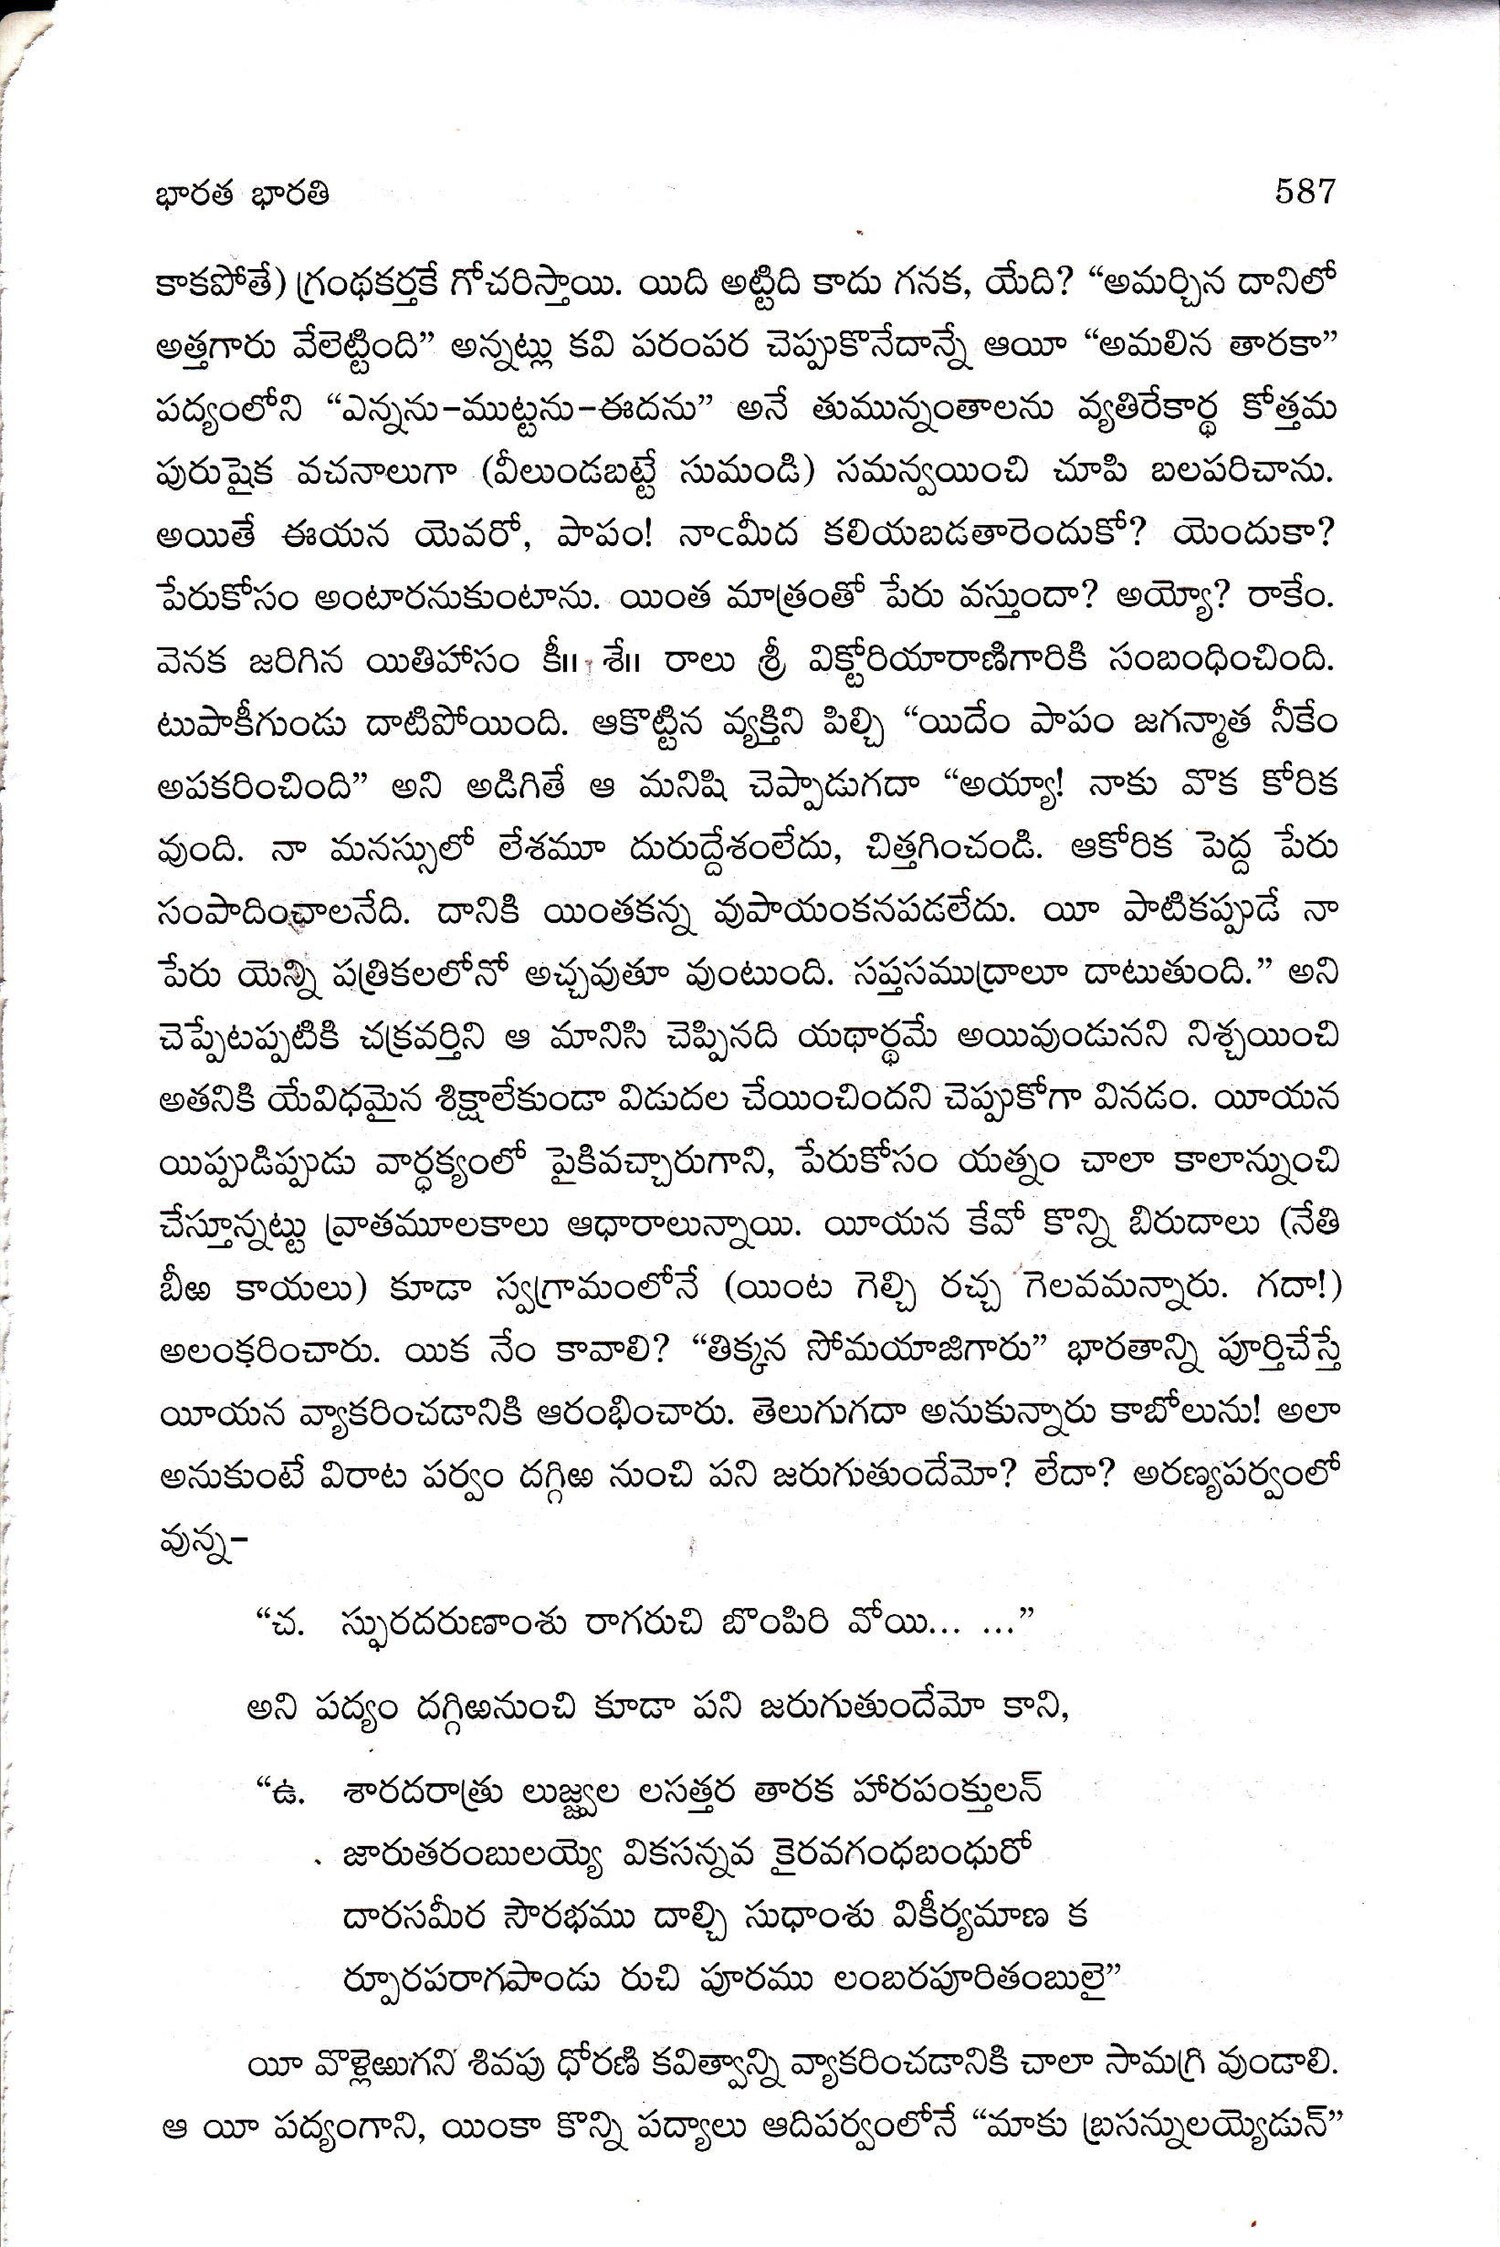కాకపోతే) గ్రంథకర్తకే గోచరిస్తాయి. యిది అట్టిది కాదు గనక, యేది? "అమర్చిన దానిలో అత్తగారు వేలెట్టింది” అన్నట్లు కవి పరంపర చెప్పకొనేదాన్నే ఆయీ “అమలిన తారకా" పద్యంలోని “ఎన్నను-ముట్టను-ఈదను" అనే తుమున్నంతాలను వ్యతిరేకార్థ కోత్తమ పురుషైక వచనాలుగా (వీలుండబట్టే సుమండి) సమన్వయించి చూపి బలపరిచాను. అయితే ఈయన యెవరో, పాపం! నాఁమీద కలియబడతారెందుకో? యెందుకా? పేరుకోసం అంటారనుకుంటాను. యింత మాత్రంతో పేరు వస్తుందా? అయ్యో? రాకేం. వెనక జరిగిన యితిహాసం కీ|| శే|| రాలు శ్రీ విక్టోరియారాణిగారికి సంబంధించింది. టుపాకీగుండు దాటిపోయింది. ఆకొట్టిన వ్యక్తిని పిల్చి “యిదేం పాపం జగన్మాత నీకేం అపకరించింది” అని అడిగితే ఆ మనిషి చెప్పాడుగదా "అయ్యా! నాకు వొక కోరిక వుంది. నా మనస్సులో లేశమూ దురుద్దేశంలేదు, చిత్తగించండి. ఆకోరిక పెద్ద పేరు సంపాదించాలనేది. దానికి యింతకన్న వుపాయంకనపడలేదు. యీ పాటికప్పుడే నా పేరు యెన్ని పత్రికలలోనో అచ్చవుతూ వుంటుంది. సప్తసముద్రాలూ దాటుతుంది." అని చెప్పేటప్పటికి చక్రవర్తిని ఆ మానిసి చెప్పినది యథార్థమే అయివుండునని నిశ్చయించి అతనికి యేవిధమైన శిక్షాలేకుండా విడుదల చేయించిందని చెప్పకోగా వినడం. యీయన యిప్పుడిప్పుడు వార్ధక్యంలో పైకివచ్చారుగాని, పేరుకోసం యత్నం చాలా కాలాన్నుంచి చేస్తూన్నట్టు వ్రాతమూలకాలు ఆధారాలున్నాయి. యీయన కేవో కొన్ని బిరుదాలు (నేతి బీఱ కాయలు) కూడా స్వగ్రామంలోనే (యింట గెల్చి రచ్చ గెలవమన్నారు. గదా!) అలంకరించారు. యిక నేం కావాలి? “తిక్కన సోమయాజిగారు” భారతాన్ని పూర్తిచేస్తే యీయన వ్యాకరించడానికి ఆరంభించారు. తెలుగుగదా అనుకున్నారు కాబోలును! అలా అనుకుంటే విరాట పర్వం దగ్గిఱ నుంచి పని జరుగుతుందేమో? లేదా? అరణ్యపర్వంలో వున్న-

“చ. స్ఫురదరుణాంశు రాగరుచి బొంపిరి వోయి... ..."
అని పద్యం దగ్గిఱనుంచి కూడా పని జరుగుతుందేమో కాని,

“ఉ. శారదరాత్రు లుజ్జ్వల లసత్తర తారక హారపంక్తులన్ 
 జారుతరంబులయ్యె వికసన్నవ కైరవగంధబంధురో 
 దారసమీర సౌరభము దాల్చి సుధాంశు వికీర్యమాణ క 
 ర్పూరపరాగపాండు రుచి పూరము లంబరపూరితంబులై"
యీ వొళ్లేఱుగని శివపు ధోరణి కవిత్వాన్ని వ్యాకరించడానికి చాలా సామగ్రి వండాలి. ఆ యీ పద్యంగాని, యింకా కొన్ని పద్యాలు ఆదిపర్వంలోనే "మాకు బ్రసన్నులయ్యెడున్”